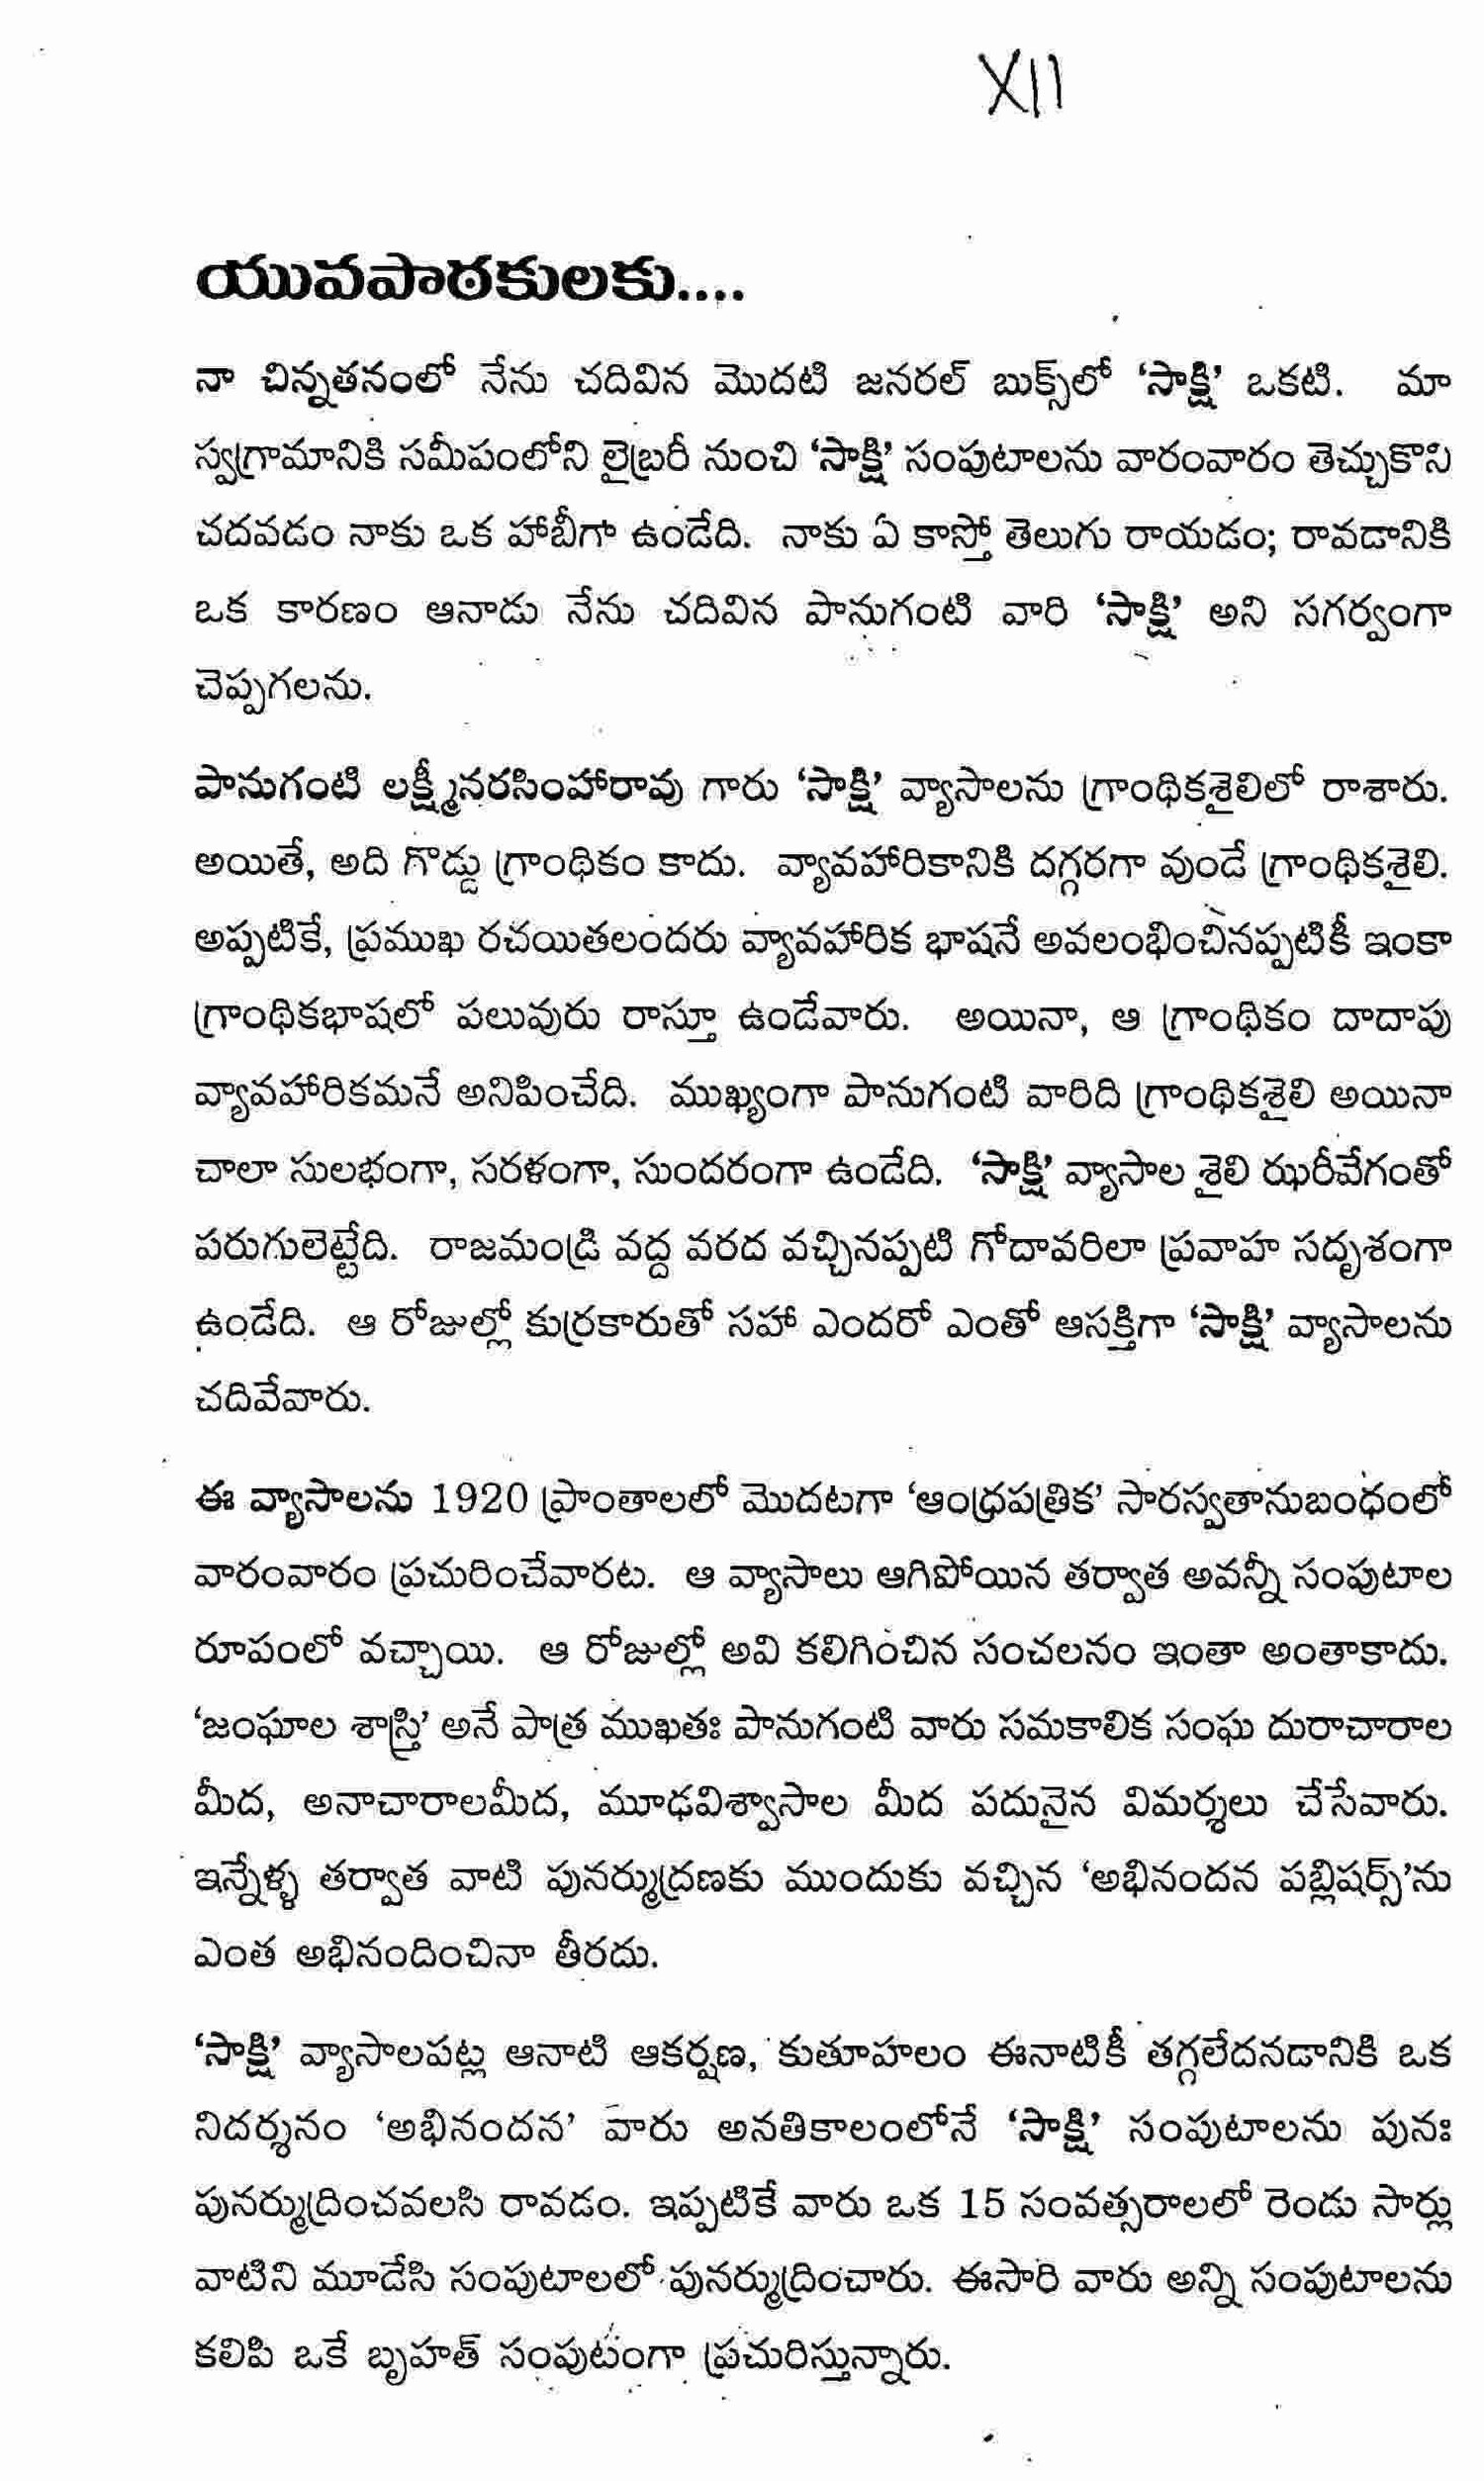నా చిన్నతనంలో నేను చదివిన మొదటి జనరల్ బుక్స్‌లో 'సాక్షి' ఒకటి. మా స్వగ్రామానికి సమీపంలోని లైబ్రరీ నుంచి 'సాక్షి' సంపుటాలను వారంవారం తెచ్చుకొని చదవడం నాకు ఒక హాబీగా ఉండేది. నాకు ఏ కాస్తో తెలుగు రాయడం; రావడానికి ఒక కారణం ఆనాడు నేను చదివిన పానుగంటి వారి 'సాక్షి' అని సగర్వంగా చెప్పగలను.

పానుగంటి లక్ష్మీనరసింహారావు గారు 'సాక్షి' వ్యాసాలను గ్రాంథికశైలిలో రాశారు. అయితే, అది గొడ్డు గ్రాంథికం కాదు. వ్యావహారికానికి దగ్గరగా వుండే గ్రాంథికశైలి. అప్పటికే, ప్రముఖ రచయితలందరు వ్యావహారిక భాషనే అవలంభించినప్పటికీ ఇంకా గ్రాంథికభాషలో పలువురు రాస్తూ ఉండేవారు. అయినా, ఆ గ్రాంథికం దాదాపు వ్యావహారికమనే అనిపించేది. ముఖ్యంగా పానుగంటి వారిది గ్రాంథికశైలి అయినా చాలా సులభంగా, సరళంగా, సుందరంగా ఉండేది. 'సాక్షి' వ్యాసాల శైలి ఝరీవేగంతో పరుగులెట్టేది. రాజమండ్రి వద్ద వరద వచ్చినప్పటి గోదావరిలా ప్రవాహ సదృశంగా ఉండేది. ఆ రోజుల్లో కుర్రకారుతో సహా ఎందరో ఎంతో ఆసక్తిగా 'సాక్షి' వ్యాసాలను చదివేవారు.

ఈ వ్యాసాలను 1920 ప్రాంతాలలో మొదటగా 'ఆంధ్రపత్రిక' సారస్వతానుబంధంలో వారంవారం ప్రచురించేవారట. ఆ వ్యాసాలు ఆగిపోయిన తర్వాత అవన్నీ సంపుటాల రూపంలో వచ్చాయి. ఆ రోజుల్లో అవి కలిగించిన సంచలనం ఇంతా అంతాకాదు. 'జంఘాల శాస్త్రి' అనే పాత్ర ముఖతః పానుగంటి వారు సమకాలిక సంఘ దురాచారాల మీద, అనాచారాలమీద, మూఢవిశ్వాసాల మీద పదునైన విమర్శలు చేసేవారు. ఇన్నేళ్ళ తర్వాత వాటి పునర్ముద్రణకు ముందుకు వచ్చిన 'అభినందన పబ్లిషర్స్'ను ఎంత అభినందించినా తీరదు.

'సాక్షి' వ్యాసాలపట్ల ఆనాటి ఆకర్షణ, కుతూహలం ఈనాటికీ తగ్గలేదనడానికి ఒక నిదర్శనం 'అభినందన' వారు అనతికాలంలోనే 'సాక్షి' సంపుటాలను పునః పునర్ముద్రించవలసి రావడం. ఇప్పటికే వారు ఒక 15 సంవత్సరాలలో రెండు సార్లు వాటిని మూడేసి సంపుటాలలో పునర్ముద్రించారు. ఈసారి వారు అన్ని సంపుటాలను కలిపి ఒకే బృహత్ సంపుటంగా ప్రచురిస్తున్నారు.